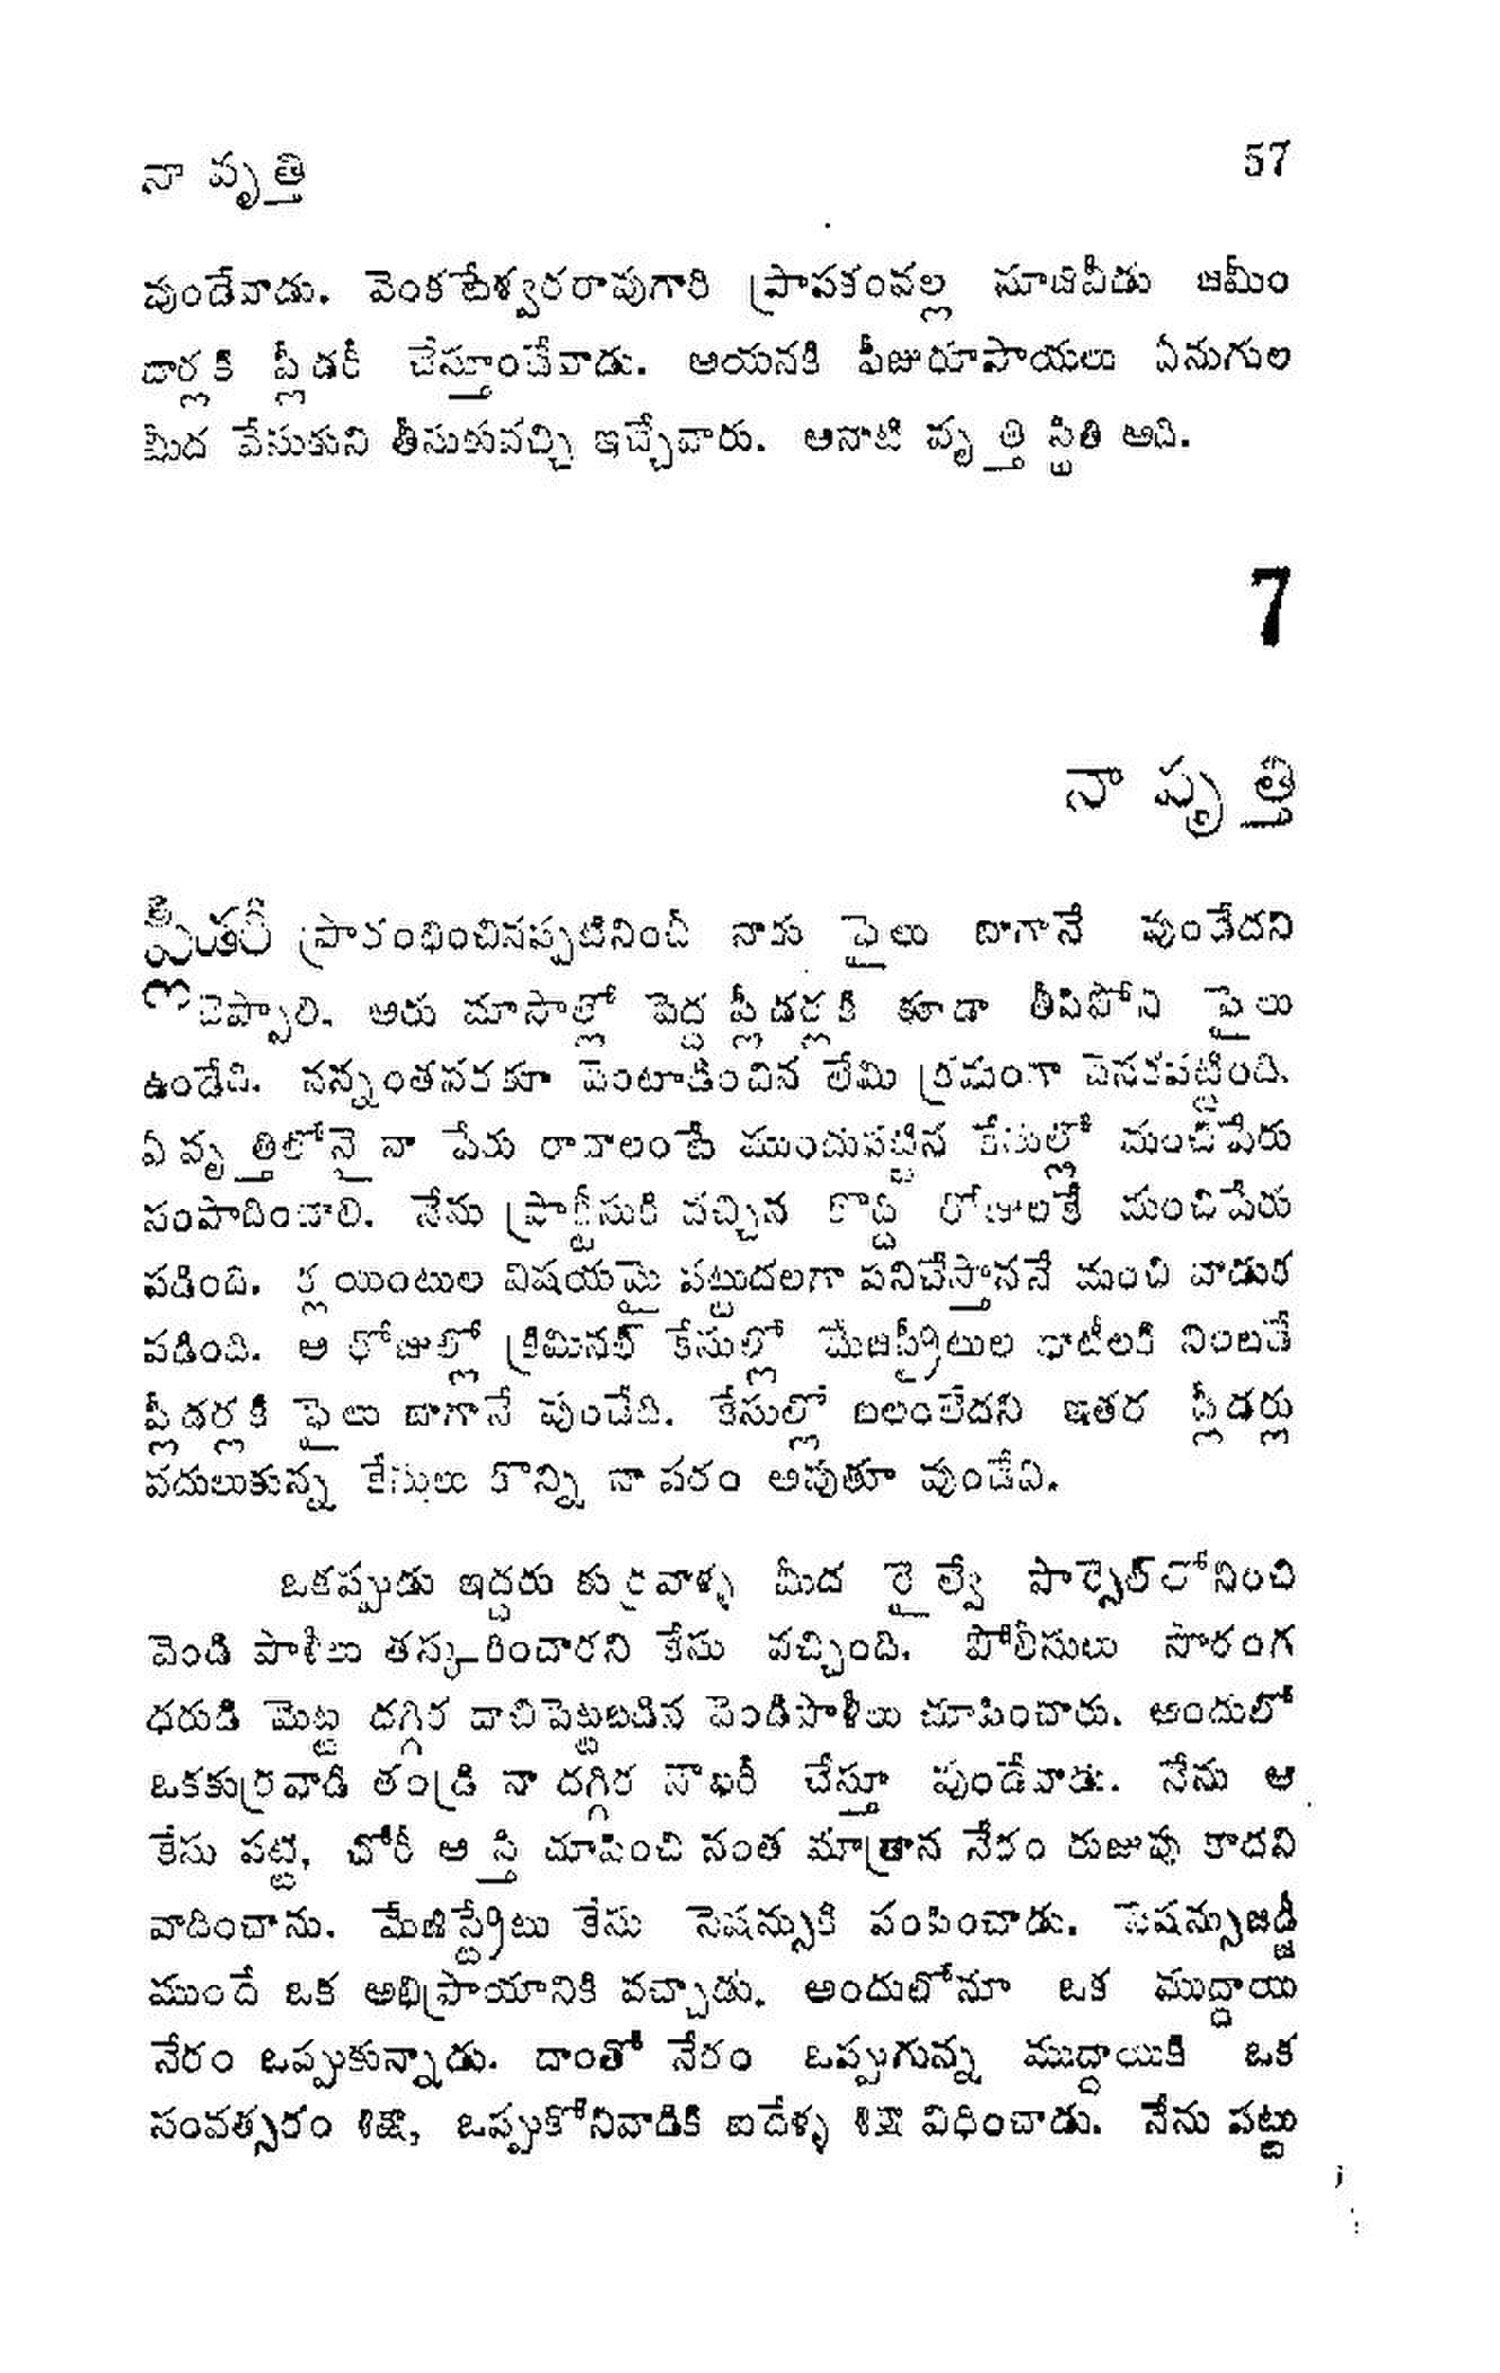వుండేవాడు. వెంకటేశ్వరరావుగారి ప్రాపంకం వల్ల నూజివీడు జమీందార్లకి ప్లీడరీ చేస్తూండేవాడు. ఆయనకి ఫీజురూపాయలు ఏనుగుల మీద వేసుకుని తీసుకువచ్చి ఇచ్చేవారు. ఆనాటి వృత్తి స్థితి అది.

ప్లీడరీ ప్రారంభించినప్పటినుంచీ నాకు ఫైలు బాగానే వుండేదని చెప్పాలి. ఆరుమాసాల్లో పెద్ద ప్లీడర్లకి కూడా తీసిపోని ఫైలు ఉండేది. నన్నంతవరకూ వెంటాడించిన లేమి క్రమంగా వెనకపట్టింది. ఏ వృత్తిలోనైనా పేరు రావాలంటే ముందుపట్టిన కేసుల్లో మంచిపేరు సంపాదించాలి. నేను ప్రాక్టీసుకి వచ్చిన కొద్ది రోజులకే మంచిపేరు పడింది. ఆ రోజుల్లో క్రిమినల్ కేసుల్లో మేజిస్ట్రీటుల ధాటీలకి నిలబడే ప్లీడర్లకి ఫైలు బాగానే వుండేది. కేసుల్లో బలంలేదని ఇతర ప్లీడర్లు వదులుకున్న కేసులు కొన్ని నా పరం అవుతూ వుండేవి.

ఒకప్పుడు ఇద్దరు కుర్రవాళ్ళ మీద రైల్వే పార్సెల్ లోనించి వెండి పాళీలు తస్కరించారని కేసు వచ్చింది. పోలీసులు సారంగధరుడి మెట్ట దగ్గిర దాచిపెట్టిన వెండిపాళీలు చూపించారు. అందులో ఒకకుర్రవాడి తండ్రి నా దగ్గిర నౌఖరీ చేస్తూ వుండేవాడు. నేను ఆ కేసు పట్టి, చోరీ ఆస్తి చూపించినంత మాత్రాన నేరం రుజువు కాదని వాదించాను. మేజిస్ట్రేటు కేసు సెషన్సుకి పంపించాడు. సెషన్సు జడ్జీ ముందే ఒక అభిప్రాయానికి వచ్చాడు. అందులోనూ ఒక ముద్దాయి నేరం ఒప్పుకున్నాడు. దాంతో నేరం ఒప్పుగున్న ముద్దాయికి ఒక సంవత్సరం శిక్షా, ఒప్పుకోనివాడికి ఐదేళ్ళ శిక్షా విధించారు. నేను పట్టు